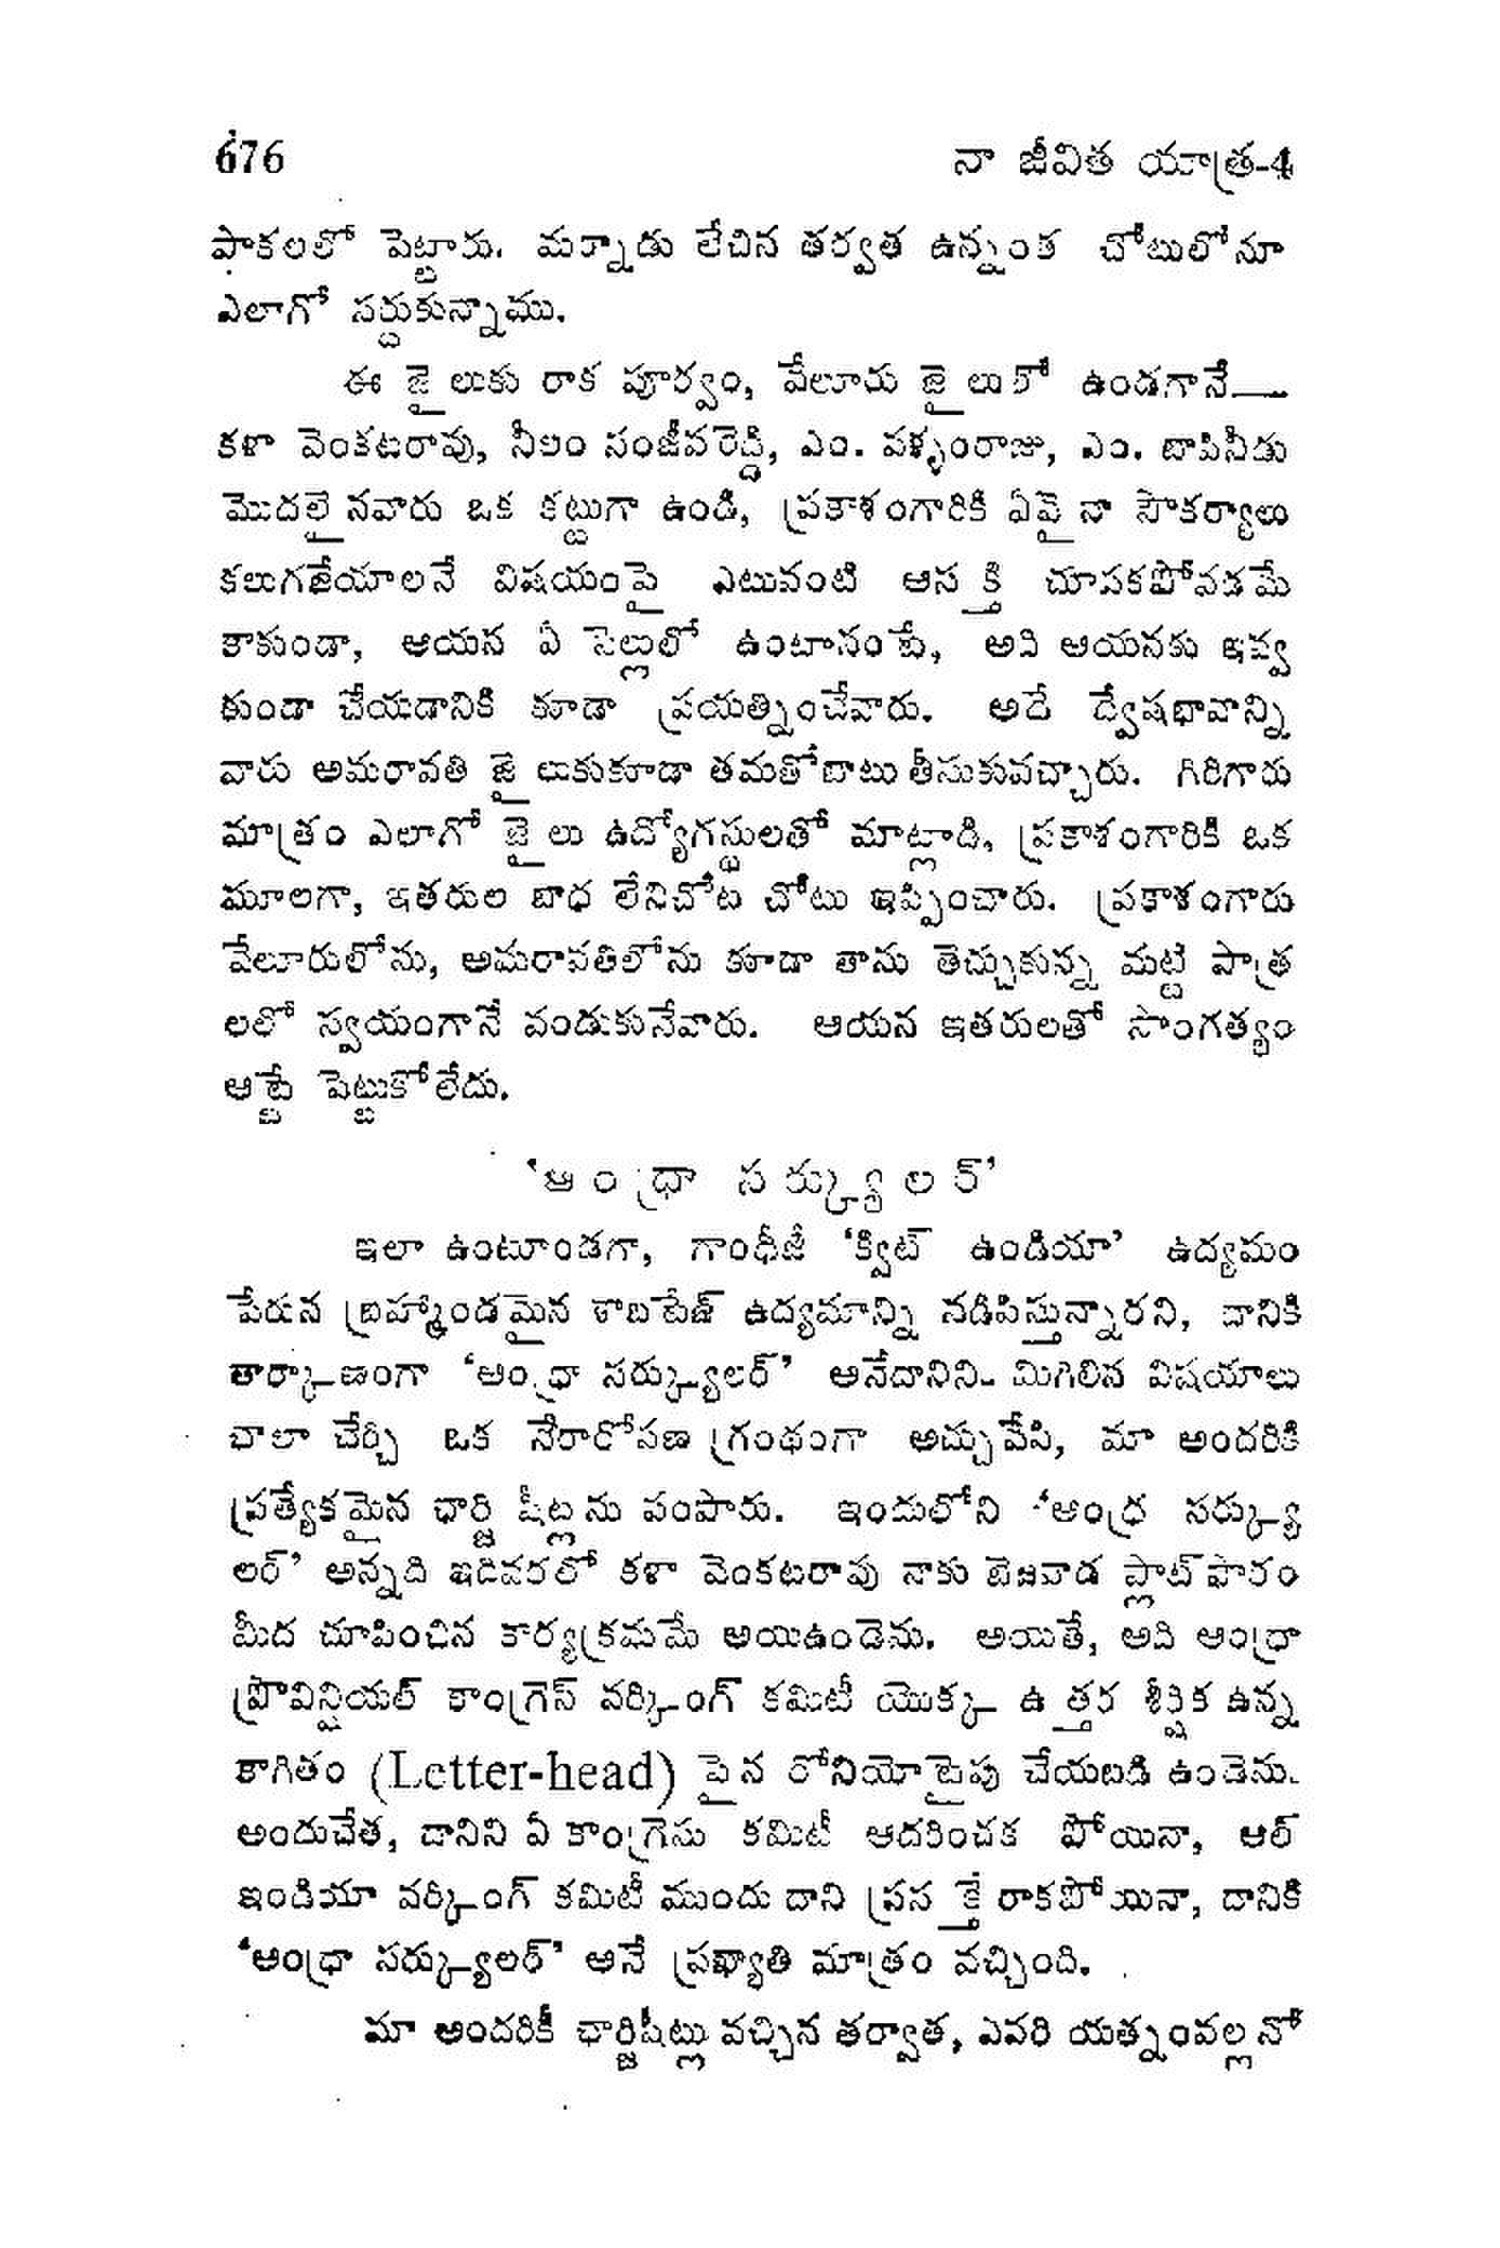పాకలలో పెట్టారు. మర్నాడు లేచిన తర్వాత ఉన్నంత చోటులోనూ ఎలాగో సర్దుకున్నాము.

ఈ జైలుకు రాక పూర్వం, వేలూరు జైలులో ఉండగానే - కళా వెంకటరావు, నీలం సంజీవ రెడ్డి, ఎం. పళ్ళంరాజు, ఎం. బాపినీడు మొదలైనవారు ఒక కట్టుగా ఉండి, ప్రకాశం గారికి ఏవైనా సౌకర్యాలు కలుగజేయాలనే విషయంపై ఎటువంటి ఆసక్తి చూపక పోవడమే కాకుండా, ఆయన ఏ సెల్లులో ఉంటానంటే, అది ఆయనకు ఇవ్వకుండా చేయడానికి కూడా ప్రయత్నించే వారు. అదే ద్వేషభావాన్ని వారు అమరావతి జైలుకు కూడా తమతోబాటు తీసుకువచ్చారు. గిరిగారు మాత్రం ఎలాగో జైలు ఉద్యోగస్థులతో మాట్లాడి, ప్రకాశంగారికి ఒక మూలగా, ఇతరుల బాధ లేనిచోట చోటు ఇప్పించారు. ప్రకాశంగారు వేలూరులోను, అమరావతిలోను కూడా తాను తెచ్చుకున్న మట్టి పాత్రలలో స్వయంగానే వండుకునేవారు. ఆయన ఇతరులతో సాంగత్యం అట్టే పెట్టుకోలేదు.

ఇలా ఉంటూండగా, గాంధీజీ 'క్విట్ ఇండియా' ఉద్యమం పేరున బ్రహ్మాండమైన శాబటేజ్ ఉద్యమాన్ని నడిపిస్తున్నారని, దానికి తార్కాణంగా "ఆంధ్రా సర్క్యులర్‌" అనేదానిని - మిగిలిన విషయాలు చాలా చేర్చి ఒక నేరారోపణ గ్రంథంగా అచ్చువేసి, మా అందరికి ప్రత్యేకమైన చార్జి షీట్లను పంపారు. ఇందులోని 'ఆంధ్ర సర్క్యులర్‌' అన్నది ఇదివరలో కళా వెంకటరావు నాకు బెజవాడ ప్లాట్‌ఫారం మీద చూపించిన కార్యక్రమమే అయిఉండెను. అయితే, అది ఆంధ్రా ప్రొవిన్షియల్ కాంగ్రెస్ వర్కింగ్ కమిటీ యొక్క ఉత్తర శీర్షిక ఉన్న కాగితం (Letter - head) పైన రోనియోటైపు చేయబడి ఉండెను. అందుచేత, దానిని ఏ కాంగ్రెసు కమిటీ ఆదరించక పోయినా, ఆల్ ఇండియా వర్కింగ్ కమిటీ ముందు దాని ప్రసక్తే రాకపోయినా, దానికి 'ఆంధ్రా సర్క్యులర్‌' అనే ప్రఖ్యాతి మాత్రం వచ్చింది.

మా అందరికీ ఛార్జిషీట్లు వచ్చిన తర్వాత, ఎవరి యత్నంవల్లనో